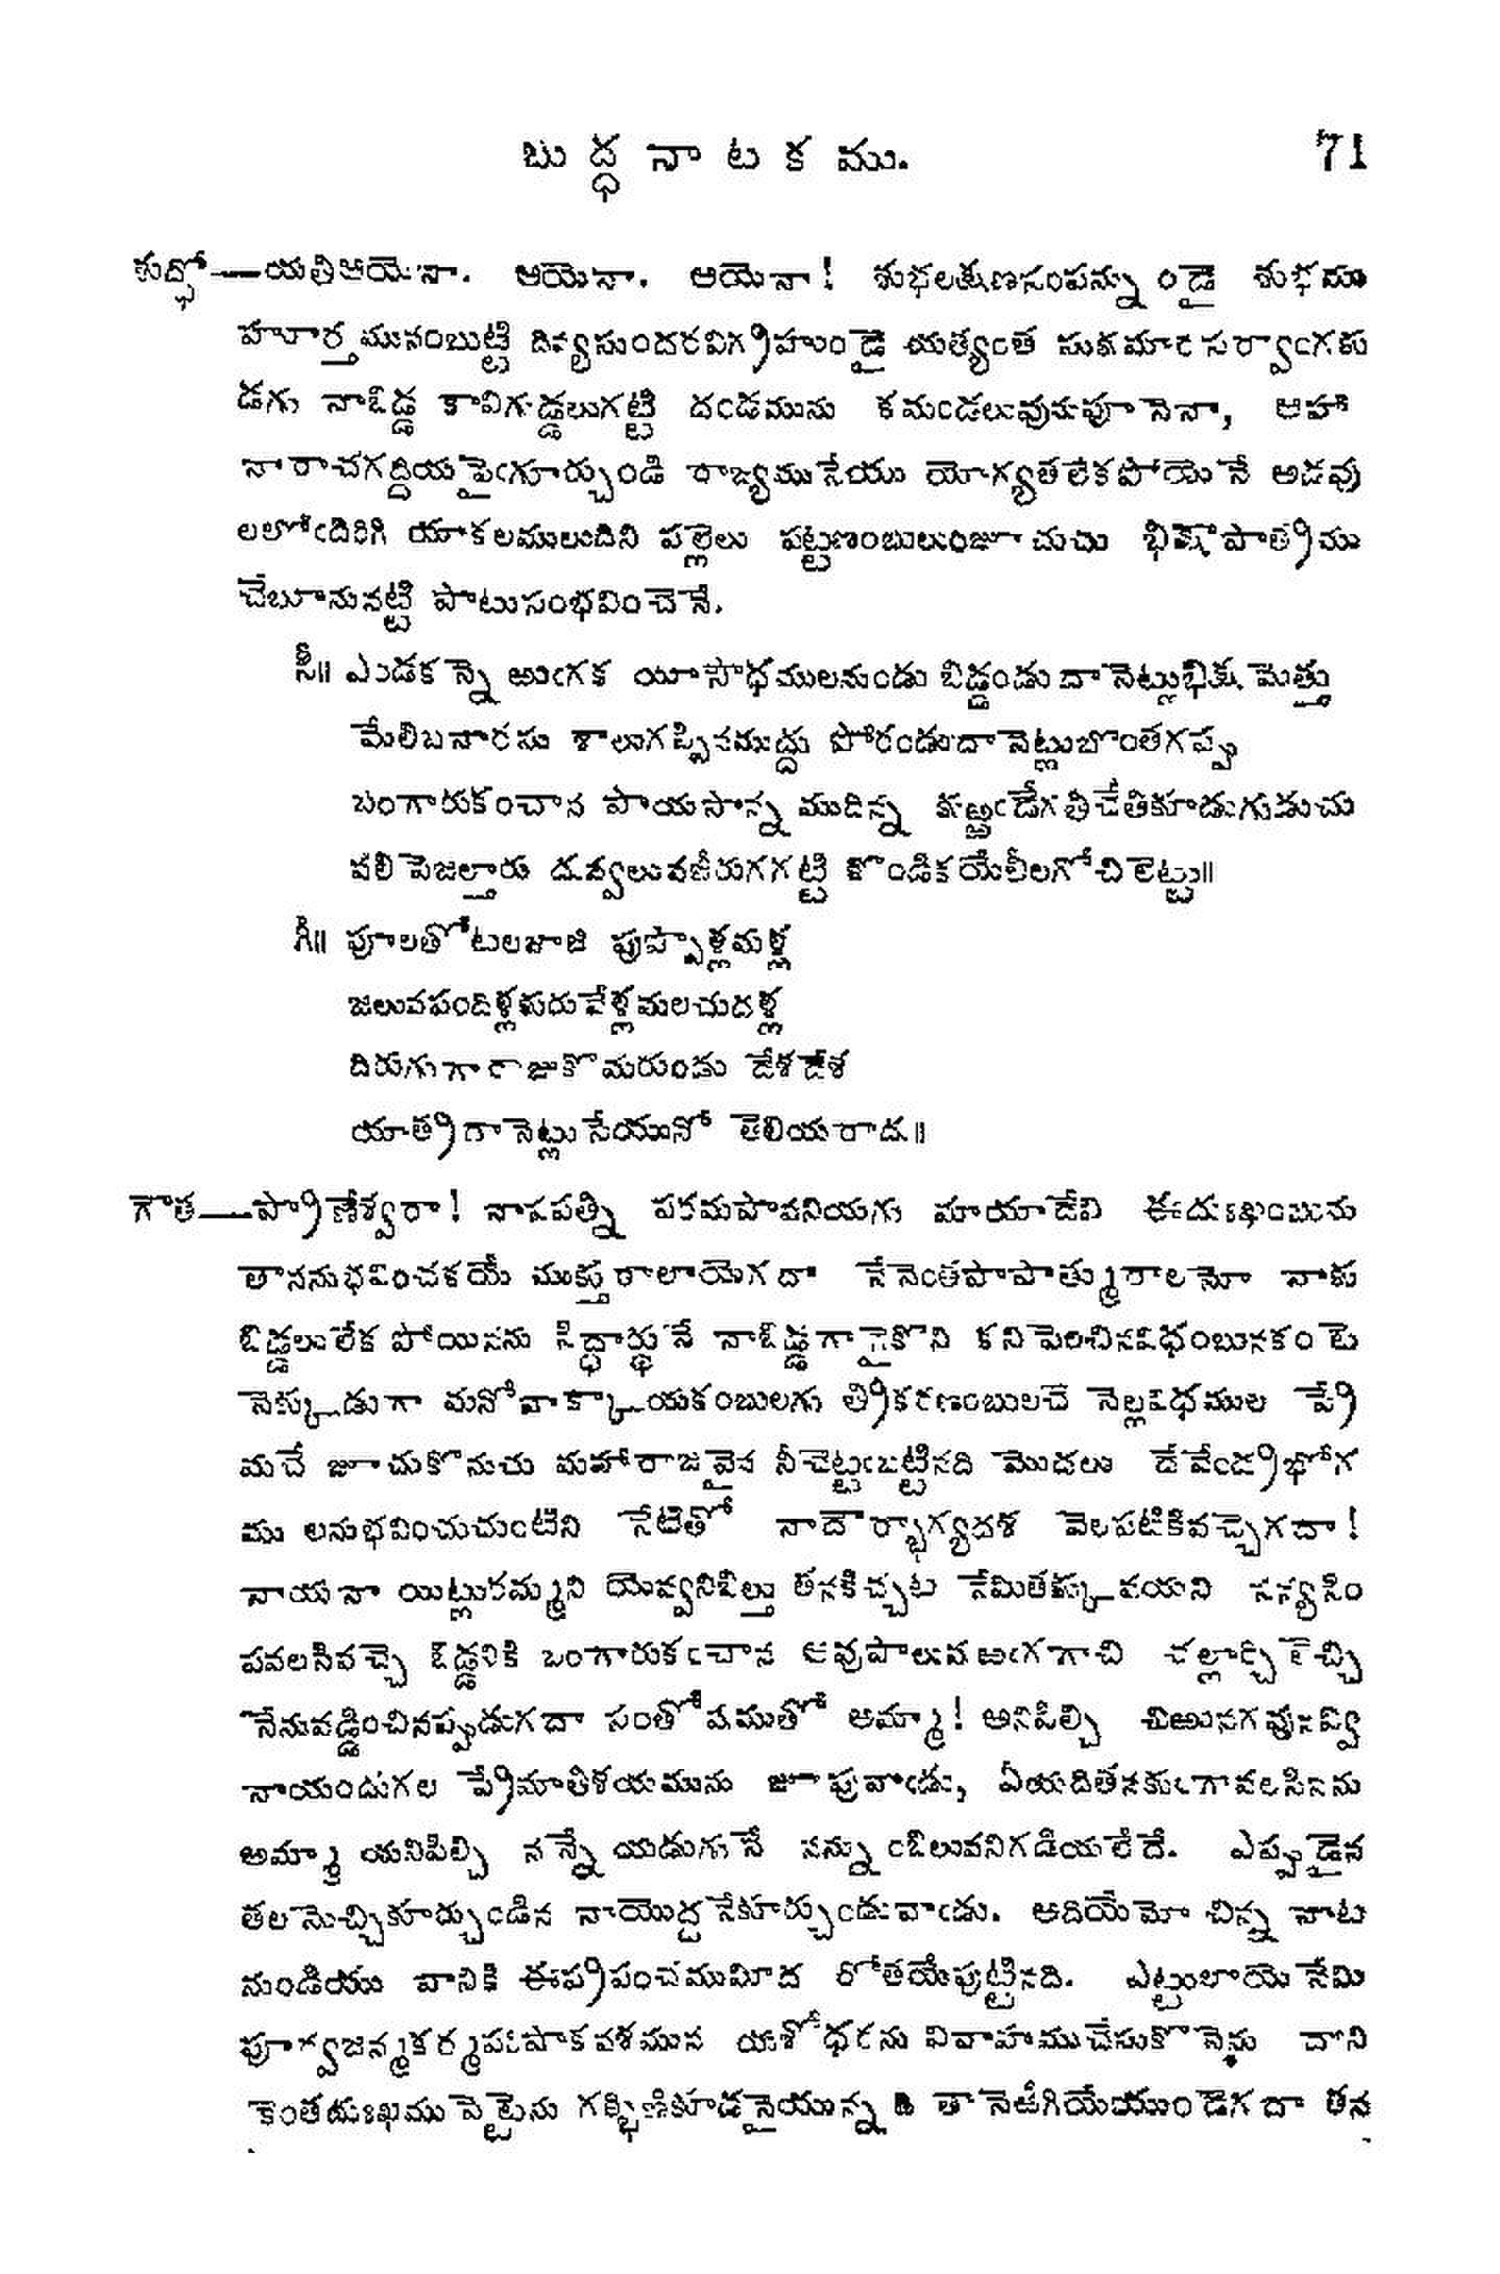శుద్ధో — యతిఆయెనా. ఆయెనా. ఆయెనా! శుభలక్షణ సంపన్నుండై శుభహూర్తమునంబుట్టి దివ్యసుందరవిగ్రహుండై యత్యంత 
సుకమారసర్వాంగకుడగు నాబిడ్డ కావిగుడ్డలుగట్టి దండమును కమండలువునుపూసెనా, ఆహా నారాగద్దియపైఁగూర్చుండి రాజ్యముసేయు యోగ్యతలేకపోయెనే అడవులలోఁదిరిగి యాకలములుదిని పల్లెలు పట్టణంబులుంజూచుచు భీక్షాపాత్రము చేబూనునట్టి పాటుసంభవించెనే.

సీ॥ ఎండకన్నె ఱుఁగక యీసౌధములనుండు బిడ్డండుదానెట్లుభిక్ష మెత్తు
మేలిబనారను శాలుగప్పినముద్దు పోరండందానెట్లు బొంతగప్పు
బంగారుకంచాన పాయసాన్నముదిన్న కుఱ్ఱఁడేగతిచేతికూడుగుడుచు
వలీపెజల్తారు దువ్వలువజీరుగగట్టి కోండికయేలీలగోచిలెట్టు॥ 

గీ॥ పూలతోటలజాజి పుప్పొళ్లమళ్ల 
జలువపందిళ్లుకురువేళ్లమలచుదళ్ల
దిరుగుగారాజుకొమరుండు దేశదేశ
యాత్రగానెట్లుసేయునో తెలియరాదు॥ 

గౌత - ప్రాణేశ్వరా! నాసపత్ని పరమపావనియగు మాయాదేవి ఈ దుఃఖంబును తాననుభవించళయే ముక్తురాలాయెగదా నేనెంత పాపాత్మురాలమో నాకు బిడ్డలులేకపోయినను సిద్ధార్థునే నాబిడ్డగాగైకొని కనిపెంచినవిధంబునకంటె నెక్కుడుగా మనోవాక్కాయకంబులగు త్రికరణంబులచే నెల్లవిధముల ప్రేమచే జూచుకొనుచు మహారాజువైన నీచెట్టఁబట్టినది మొదలు దేవేంద్రభోగము లనుభవించుచుంటిని నేటితో నాదౌర్భాగ్యదళ వెలపటికివచ్చెగదా! నాయనా యిట్లురమ్మని యెవ్వనిబిల్తు తనకిచ్చట నేమితక్కువయని సన్యసింపవలసివచ్చె బిడ్డనికి బంగారుకంచాన ఆవుపాలువఱఁగగాచి చల్లార్చి తెచ్చి నేనువడ్డించినప్పుడుగదా సంతోషముతో అమ్మా! అనిపిల్చి చిఱునవ్వి 
నాయందుగల ప్రేమాతిశయమును జూపువాఁడు, ఏయదితనకుంగావలసినను అమ్మా యనిపిల్చి నన్నేయడుగునే నన్నుంబివని
గడియలేదే. ఎప్పుడైన తలమెచ్చికూర్చుండిన నాయొద్దనేకూర్చుండువాఁడు. అదియేమో చిన్న నాటనుండియు వానికి ఈప్రపంచముమీద రోతయేపుట్టినది. ఎట్టులాయెనేమి పూర్వజన్మకర్మపరిపాకవశమున యశోధరను వివాహముచేసుకొనెను దానికెంతదుఃఖము పెట్టెను గర్భిణికూడనైయున్నది తానెటీగియేయుండెగదా తన